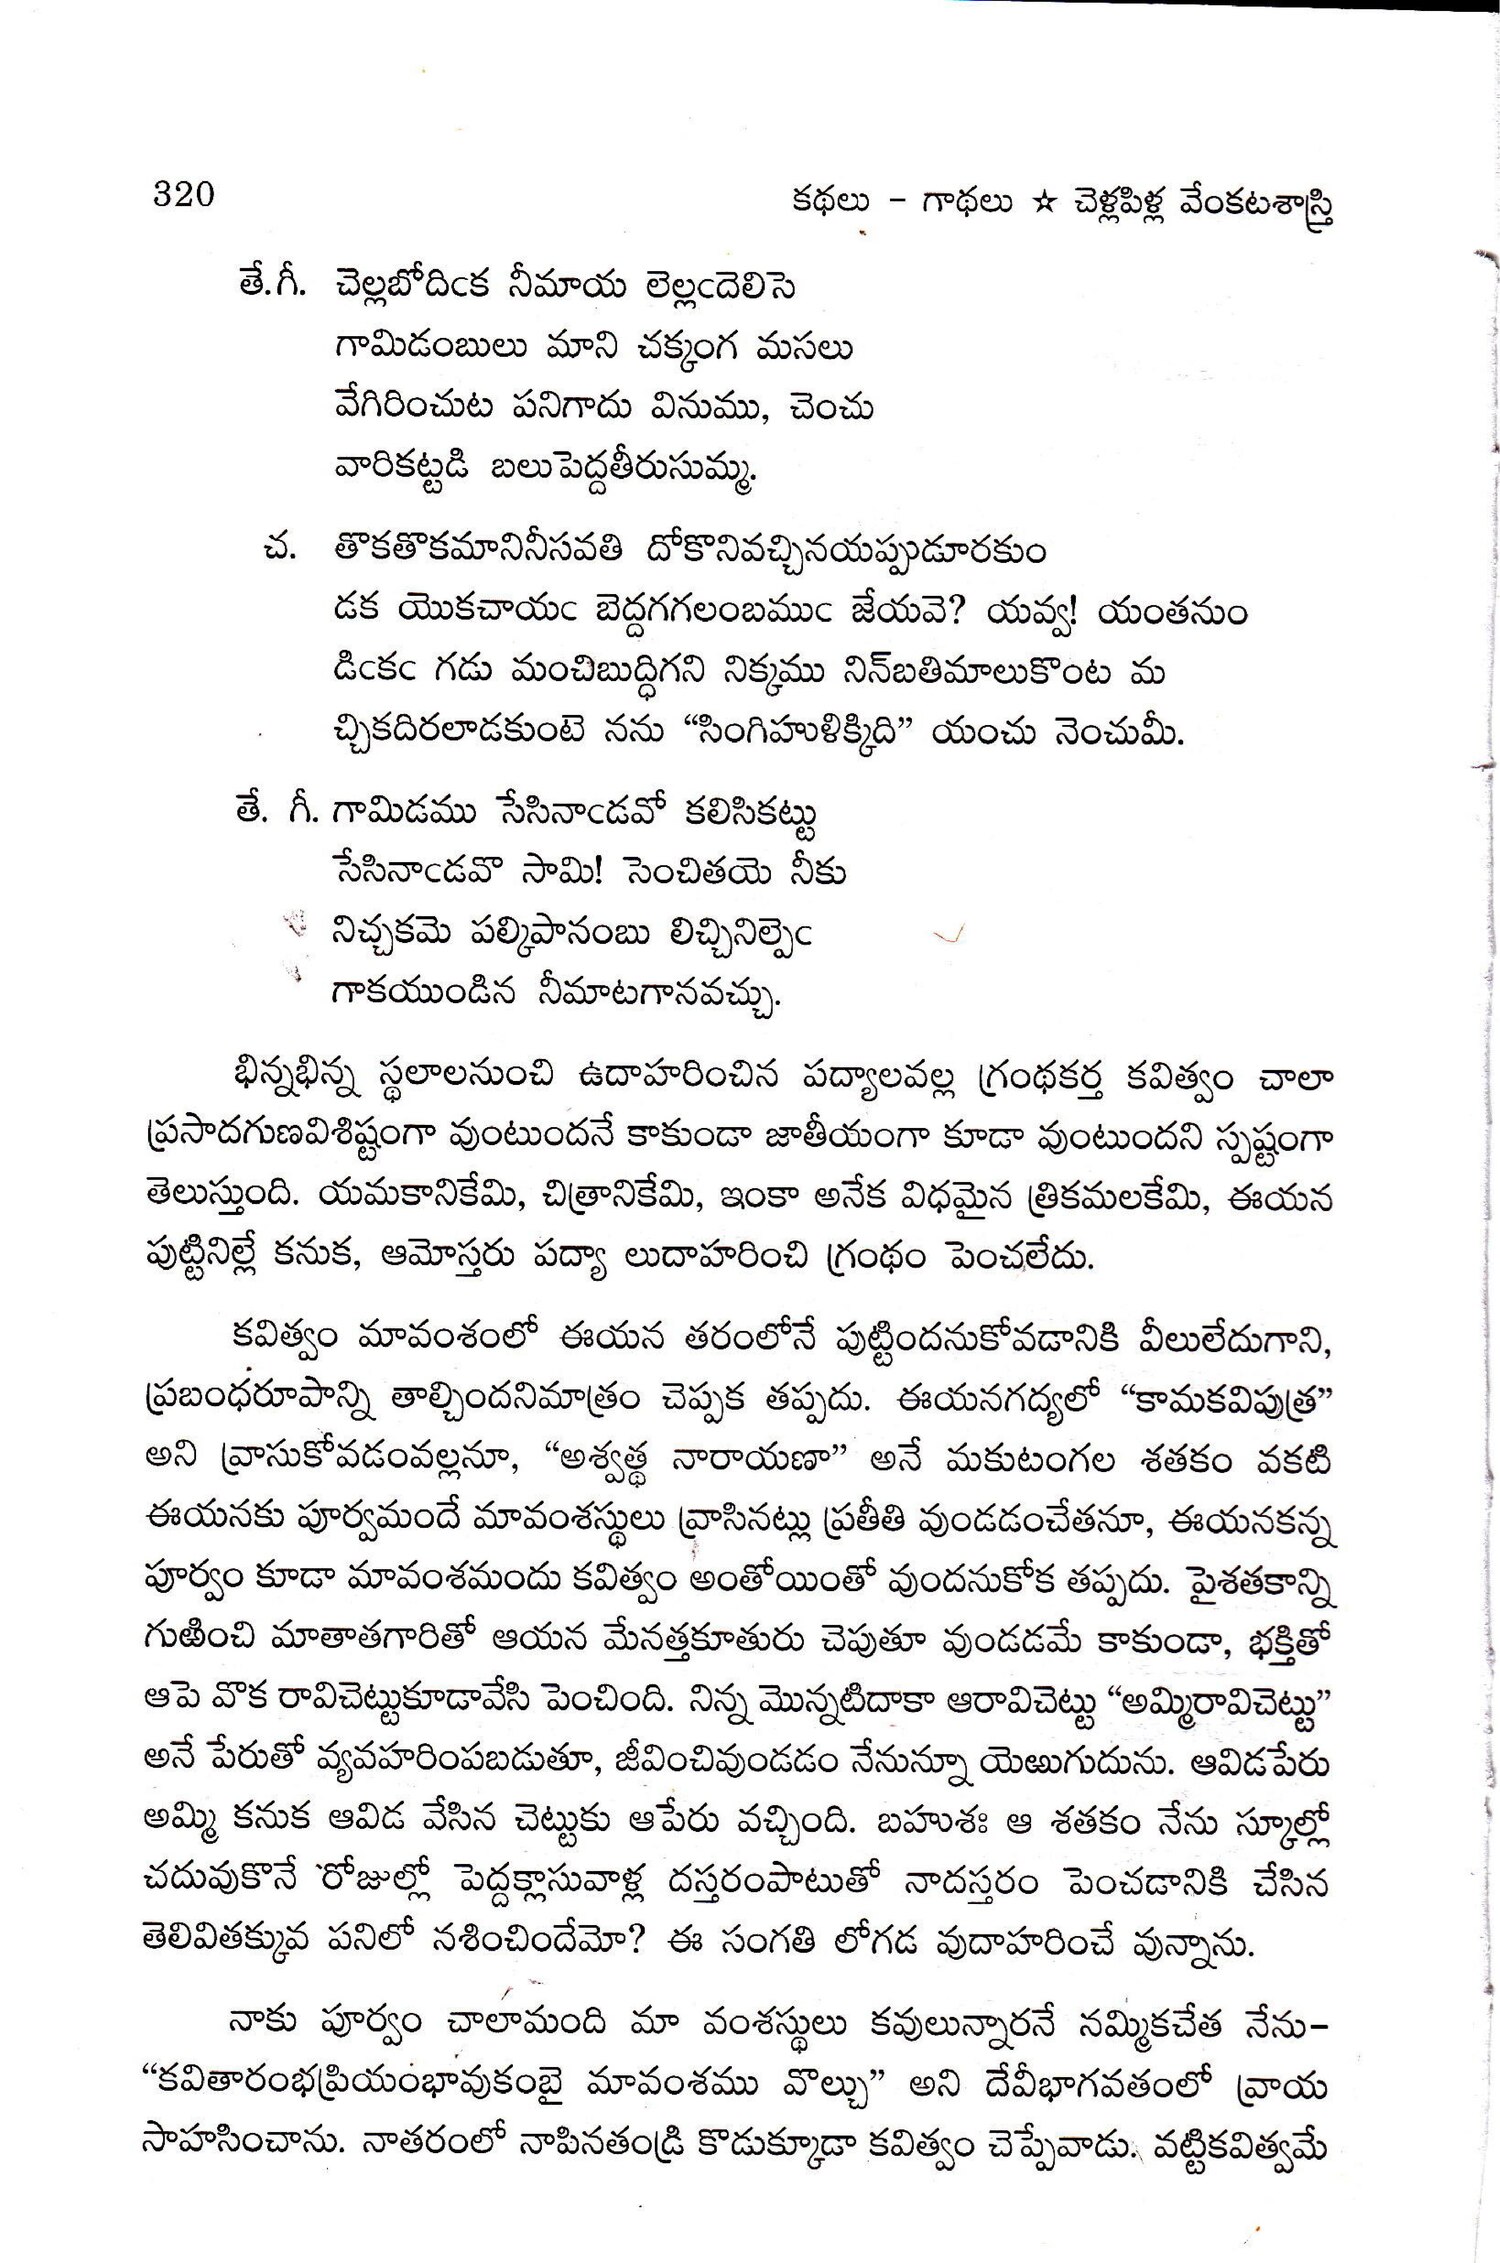తే.గీ. చెల్లబోదిఁక నీమాయ లెల్లఁదెలిసె
 గామిడంబులు మాని చక్కంగ మసలు 
 వేగిరించుట పనిగాదు వినుము, చెంచు 
 వారికట్టడి బలుపెద్దతీరుసుమ్మ

చ. తొకతొకమానినీసవతి దోకొనివచ్చినయప్పుడూరకుం
 డక యొకచాయఁ బెద్దగగలంబముఁ జేయవె? యవ్వ! యంతనుం 
 డిఁకఁ గడు మంచిబుద్ధిగని నిక్కము నిన్‌బతిమాలుకొంట మ 
 చ్చికదిరలాడకుంటె నను "సింగిహుళిక్కిది" యంచు నెంచుమీ.

తే, గీ. గామిడము సేసినాఁడవో కలిసికట్టు
 సేసినాఁడవొ సామి! సెంచితయె నీకు 
 నిచ్చకమె పల్కిపానంబు లిచ్చినిల్పెఁ
 గాకయుండిన నీమాటగానవచ్చు.
భిన్నభిన్న స్థలాలనుంచి ఉదాహరించిన పద్యాలవల్ల గ్రంథకర్త కవిత్వం చాలా ప్రసాదగుణవిశిష్టంగా వుంటుందనే కాకుండా జాతీయంగా కూడా వుంటుందని స్పష్టంగా తెలుస్తుంది. యమకానికేమి, చిత్రానికేమి, ఇంకా అనేక విధమైన త్రికమలకేమి, ఈయన పుట్టినిల్లే కనుక, ఆమోస్తరు పద్యా లుదాహరించి గ్రంథం పెంచలేదు.

కవిత్వం మావంశంలో ఈయన తరంలోనే పుట్టిందనుకోవడానికి వీలులేదుగాని, ప్రబంధరూపాన్ని తాల్చిందనిమాత్రం చెప్పక తప్పదు. ఈయనగద్యలో “కామకవిపుత్ర" అని వ్రాసుకోవడంవల్లనూ, "అశ్వత్థ నారాయణా" అనే మకుటంగల శతకం వకటి ఈయనకు పూర్వమందే మావంశస్టులు వ్రాసినట్లు ప్రతీతి వుండడంచేతనూ, ఈయనకన్న పూర్వం కూడా మావంశమందు కవిత్వం అంతోయింతో వుందనుకోక తప్పదు. పైశతకాన్ని గుఱించి మాతాతగారితో ఆయన మేనత్తకూతురు చెపుతూ వుండడమే కాకుండా, భక్తితో ఆపె వొక రావిచెట్టుకూడావేసి పెంచింది. నిన్న మొన్నటిదాకా ఆరావిచెట్టు "అమ్మిరావిచెట్టు" అనే పేరుతో వ్యవహరింపబడుతూ, జీవించివుండడం నేనున్నూ యెఱుగుదును. ఆవిడపేరు అమ్మి కనుక ఆవిడ వేసిన చెట్టుకు ఆపేరు వచ్చింది. బహుశః ఆ శతకం నేను స్కూల్లో చదువుకొనే రోజుల్లో పెద్దక్లాసువాళ్ల దస్తరంపాటుతో నాదస్తరం పెంచడానికి చేసిన తెలివితక్కువ పనిలో నశించిందేమో? ఈ సంగతి లోగడ వుదాహరించే వున్నాను.

నాకు పూర్వం చాలామంది మా వంశస్థులు కవులున్నారనే నమ్మికచేత నేను"కవితారంభప్రియంభావుకంబై మావంశము వొల్చు" అని దేవీభాగవతంలో వ్రాయ సాహసించాను. నాతరంలో నాపినతండ్రి కొడుక్కూడా కవిత్వం చెప్పేవాడు. వట్టికవిత్వమే